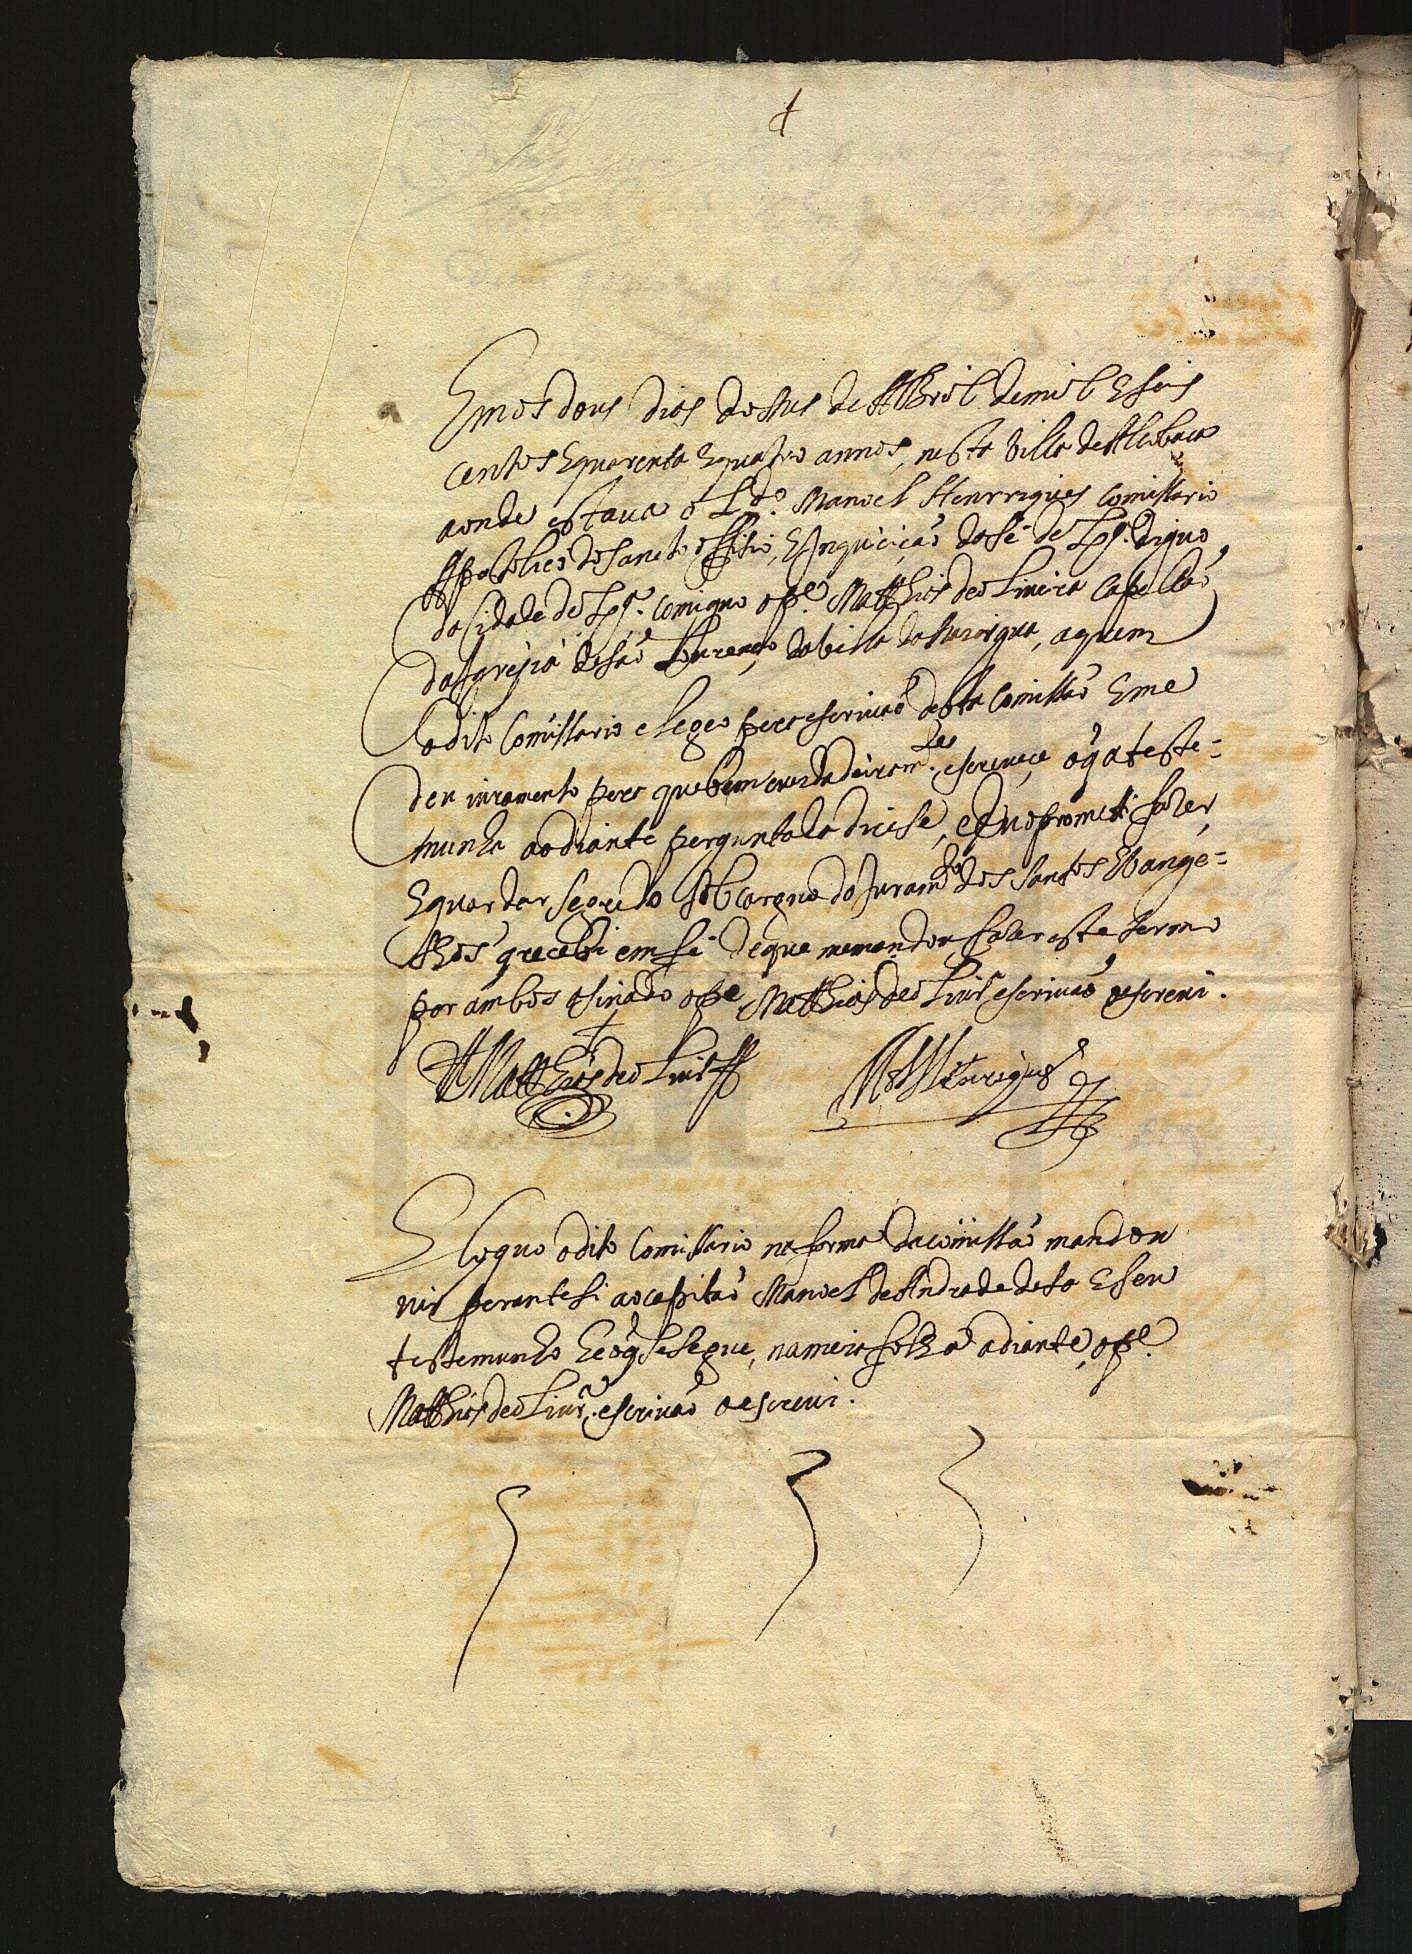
Em os dous dias do Mes de Abril de mil E seis
centos E quarenta E quatro annos, nesta villa de Alcobaça
aonde estaua o Ldo. Manoel Henrriques comissario
Apostolico do Sancto offisio, E Jnquicição da sé de Lxa. diguo
da Cidade de Lxa. comiguo o p.e Matthias de oLiueira Capellaõ
da Jgrejia de saõ Lourenço da villa da Maiorgua, a quem
o dito Com̄issario elegeo pera escriuaõ desta comissaõ E me
deu iuramento pera que bem e uerdadeiram.te escreueçe o q̄ a teste
munha ao diante perguntada dicese, e eu o prometti fazer,
E guardar segredo sob carguo do Juramto dos Santos EVange
lhos q̄ recebi em fé de que me mandou fazer este termo
por ambos asinado o pe Matthias de oliura escriuaõ o escreui.
E loguo o dito comissario na forma da comissaõ mandou
uir perante si ao capitaõ Manoel de Andrade de sa E seu
testemunho he o q̄ se segue, na meia folha adiante, o pe.
Matthias de oLiura. escriuaõ o escreui.
